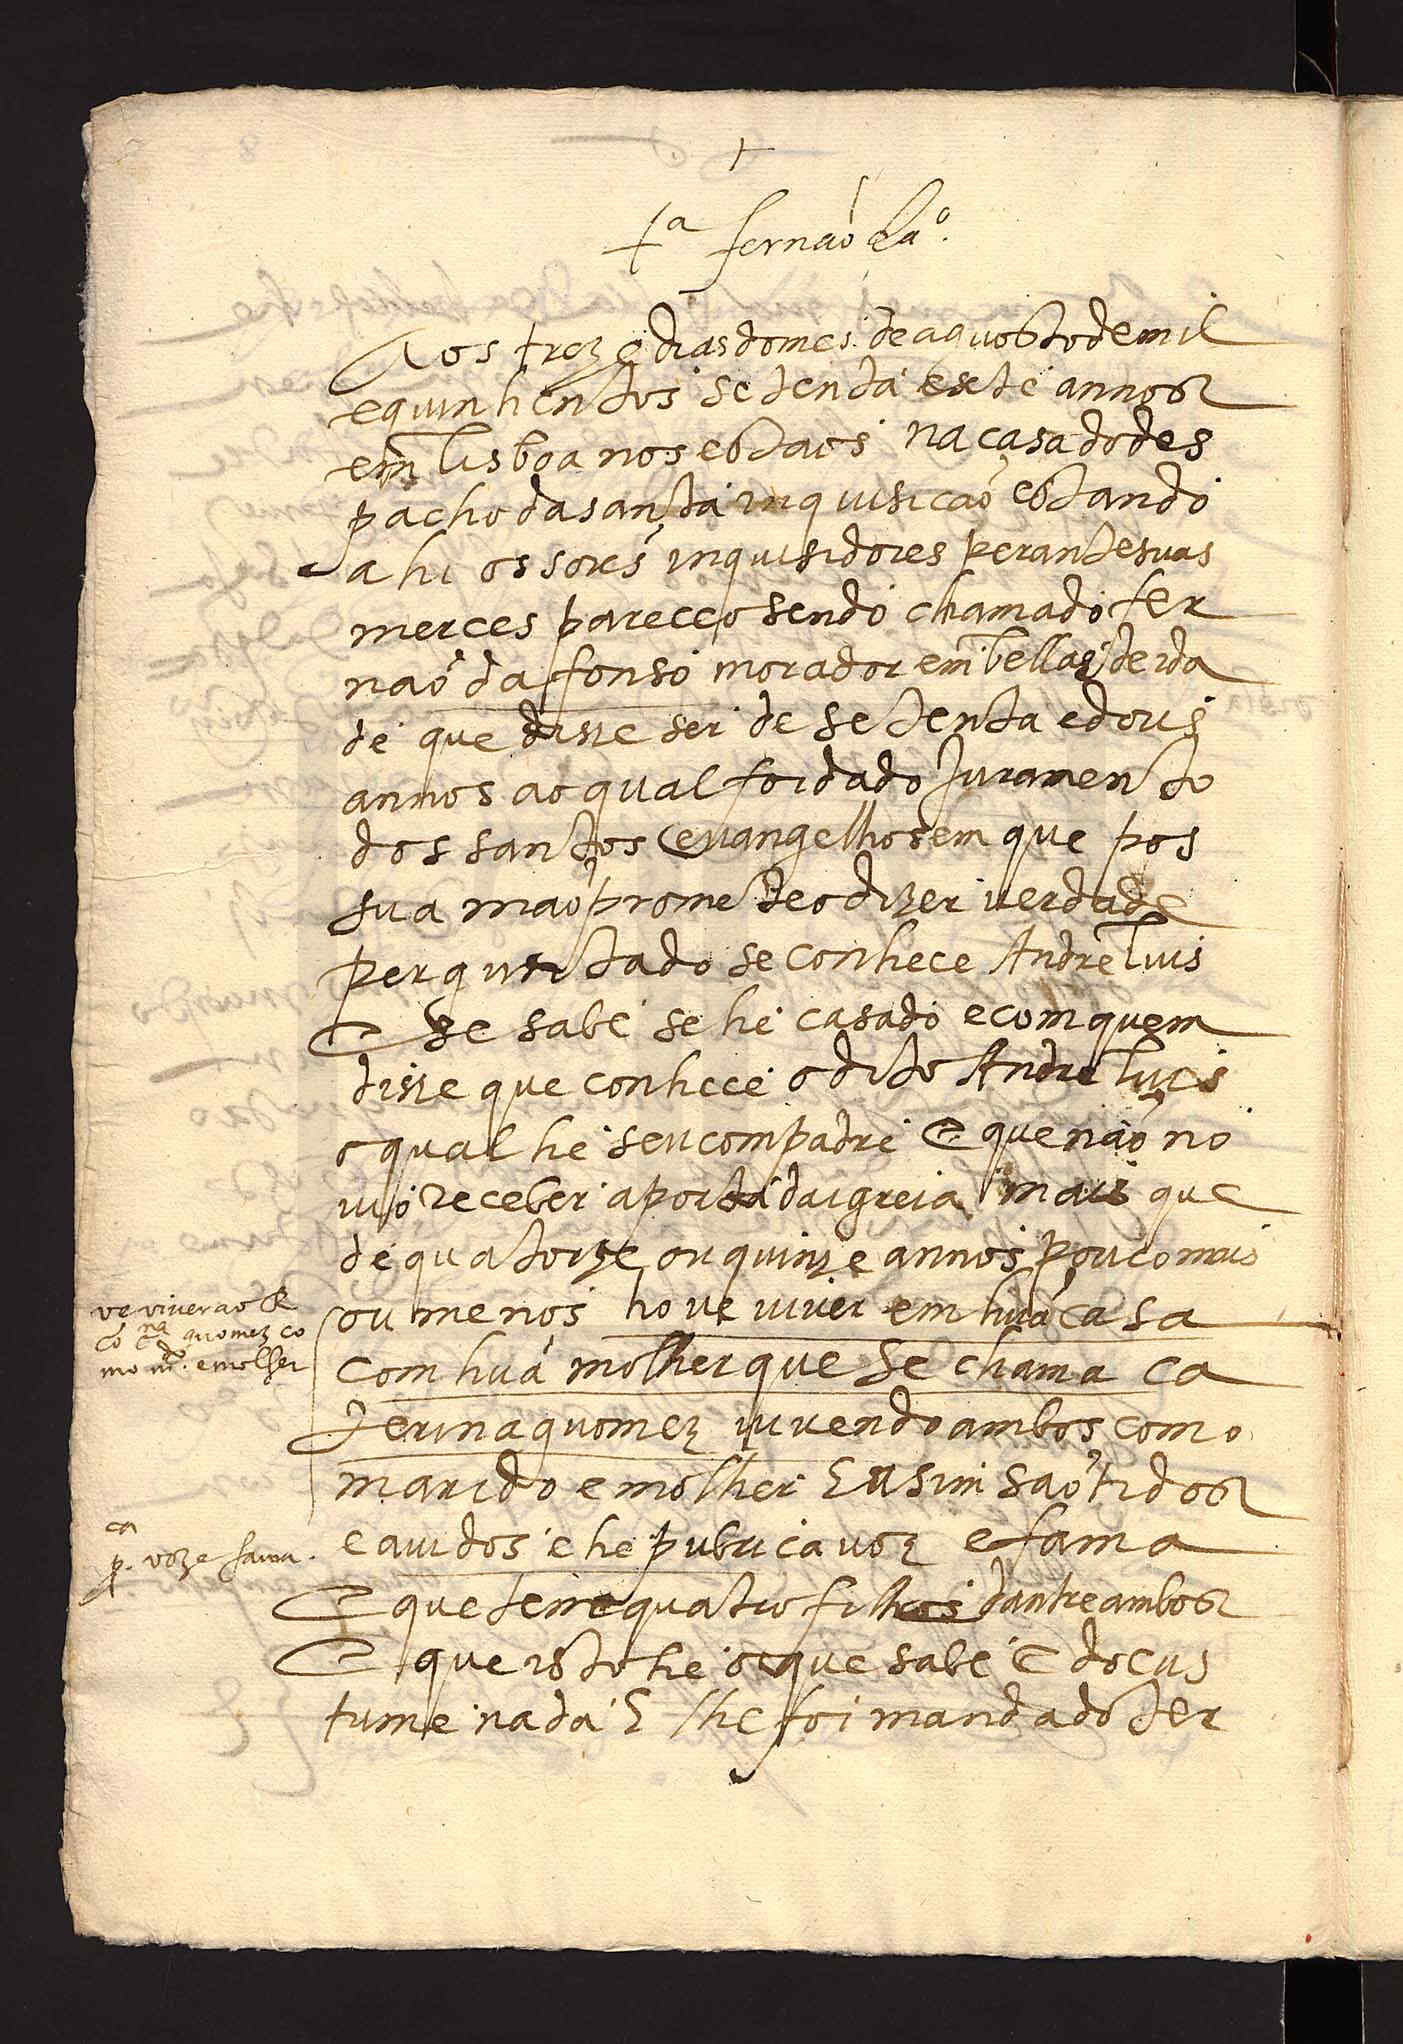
ta fernaõo dao.
Aos treze dias do mes de aguosto de mil
e quinhentos setenta e sete annos
em lisboa nos estaos na casa do des
pacho da santa inquisicaõ estando
ahi os sores̄ inquisidores perante suas
merces pareceo sendo chamado fer
naõ dafonso morador em bellas de ida
de que disse ser de setenta e dous
annos ao qual foi dado Juramento
dos santos euangelhos em que pos
sua mao prometeo dizer uerdade
perguntado se conhece Andre Luis
e se sabe se he casado e com quem
disse que conhece o dito Andre Luis
o qual he seu compadre e que naõ no
uio receber a porta da igreia mais que
de quatorze ou quinze annos pouco mais
ou menos ho ue uiuer em huā casa
com huā molher que se chama ca
terina guomez uiuendo ambos como
marido e molher E assim saõ tidos
e auidos e he pubrica uoz e fama
e que tem quatro filhos dantre ambos
e que isto he o que sabe e do cus
tume nada E lhe foi mandado ter
